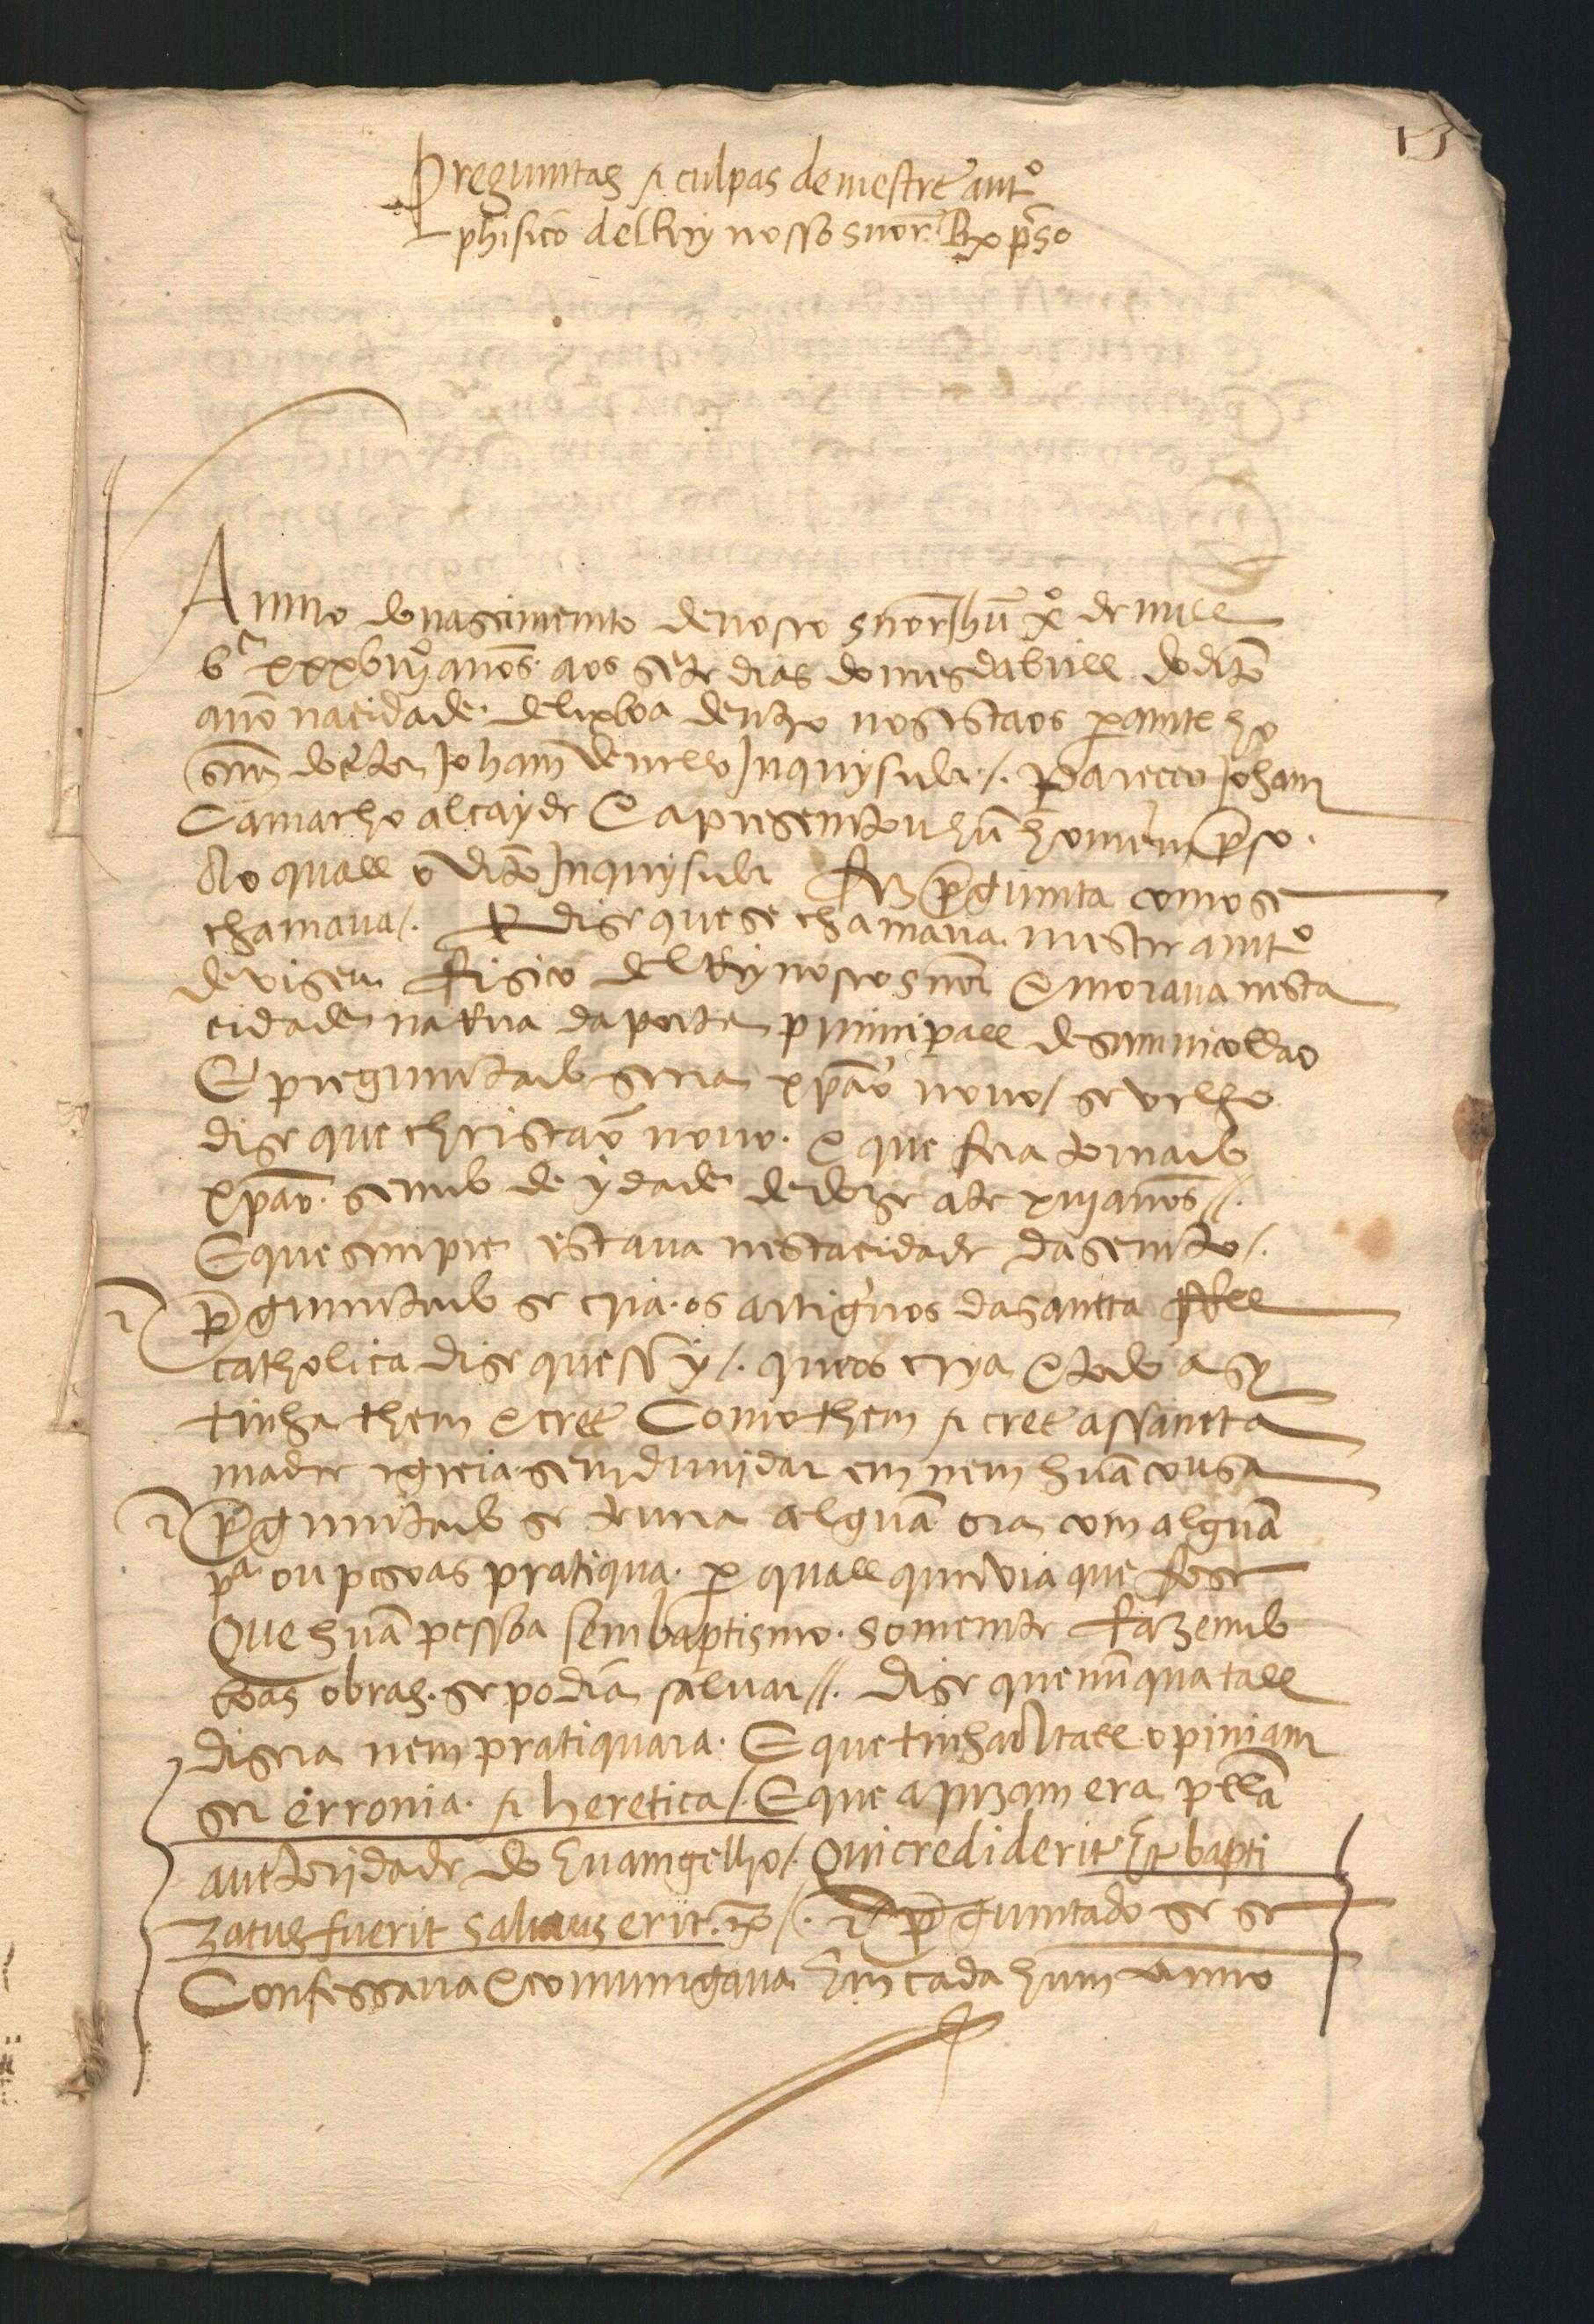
Pregumtas e culpas de mestre anto
phisico del Rey nosso senōr Rꝭ os̄o
Amno do nascimemto de nosso senōr Jhū Xo de mill
bc xxxbiijo anōs. aos sete dias do mes dabrill do dito
anō na çidade de lixboa dentro nos estaos ꝑamte ho
s̄nor doctor Joham de nello Jnquysidor ./. Pareçeo Joham
Camacho alcayde e apresemtou hū homem p̄so.
Ao quall o dito Jnquysidor fez p̄gumta como se
chamaua/. E dise que se chamaua mestre amto
de viseu fisico del Rey nosso sn̄or e moraua nesta
çidade na Rua da porta primçipall de sam nicollao
E pregumtado se era xpão nouo/ se velho
dise que christão nouo. e que fora tornado
xpão. semdo de ydade de doze ate xiij an̄os //.
E que sempre estaua nesta çidade dasemto/.
item p̄gumtado se cria. os artiguos da sancta ffee
catholica dise que ssy /. que os crya e todo asy
tinha them e cree Como them e cree a ssancta
madre egreia sem duujdar em nem huā cousa
item p̄gumtado se teuera alguā ora com alguā
pa ou pesoas pratiqua. ꝑ quallquer via que fose
Que huā pessoa sem baptismo. somemte fazemdo
boas obras. se podia saluar //. dise que nūqua tall
disera nem pratiquara. E que tinha A tall opiniam
ser erronia. e heretica/. E que a rrezam era pl̄la
auctorjdade do Euamgelho/. Qui crediderit Et bapti
zatus fuerit saluus erit. c̄ꝭ /. item p̄gumtado se se
Confessaua e comumgaua Em cada hum anno
